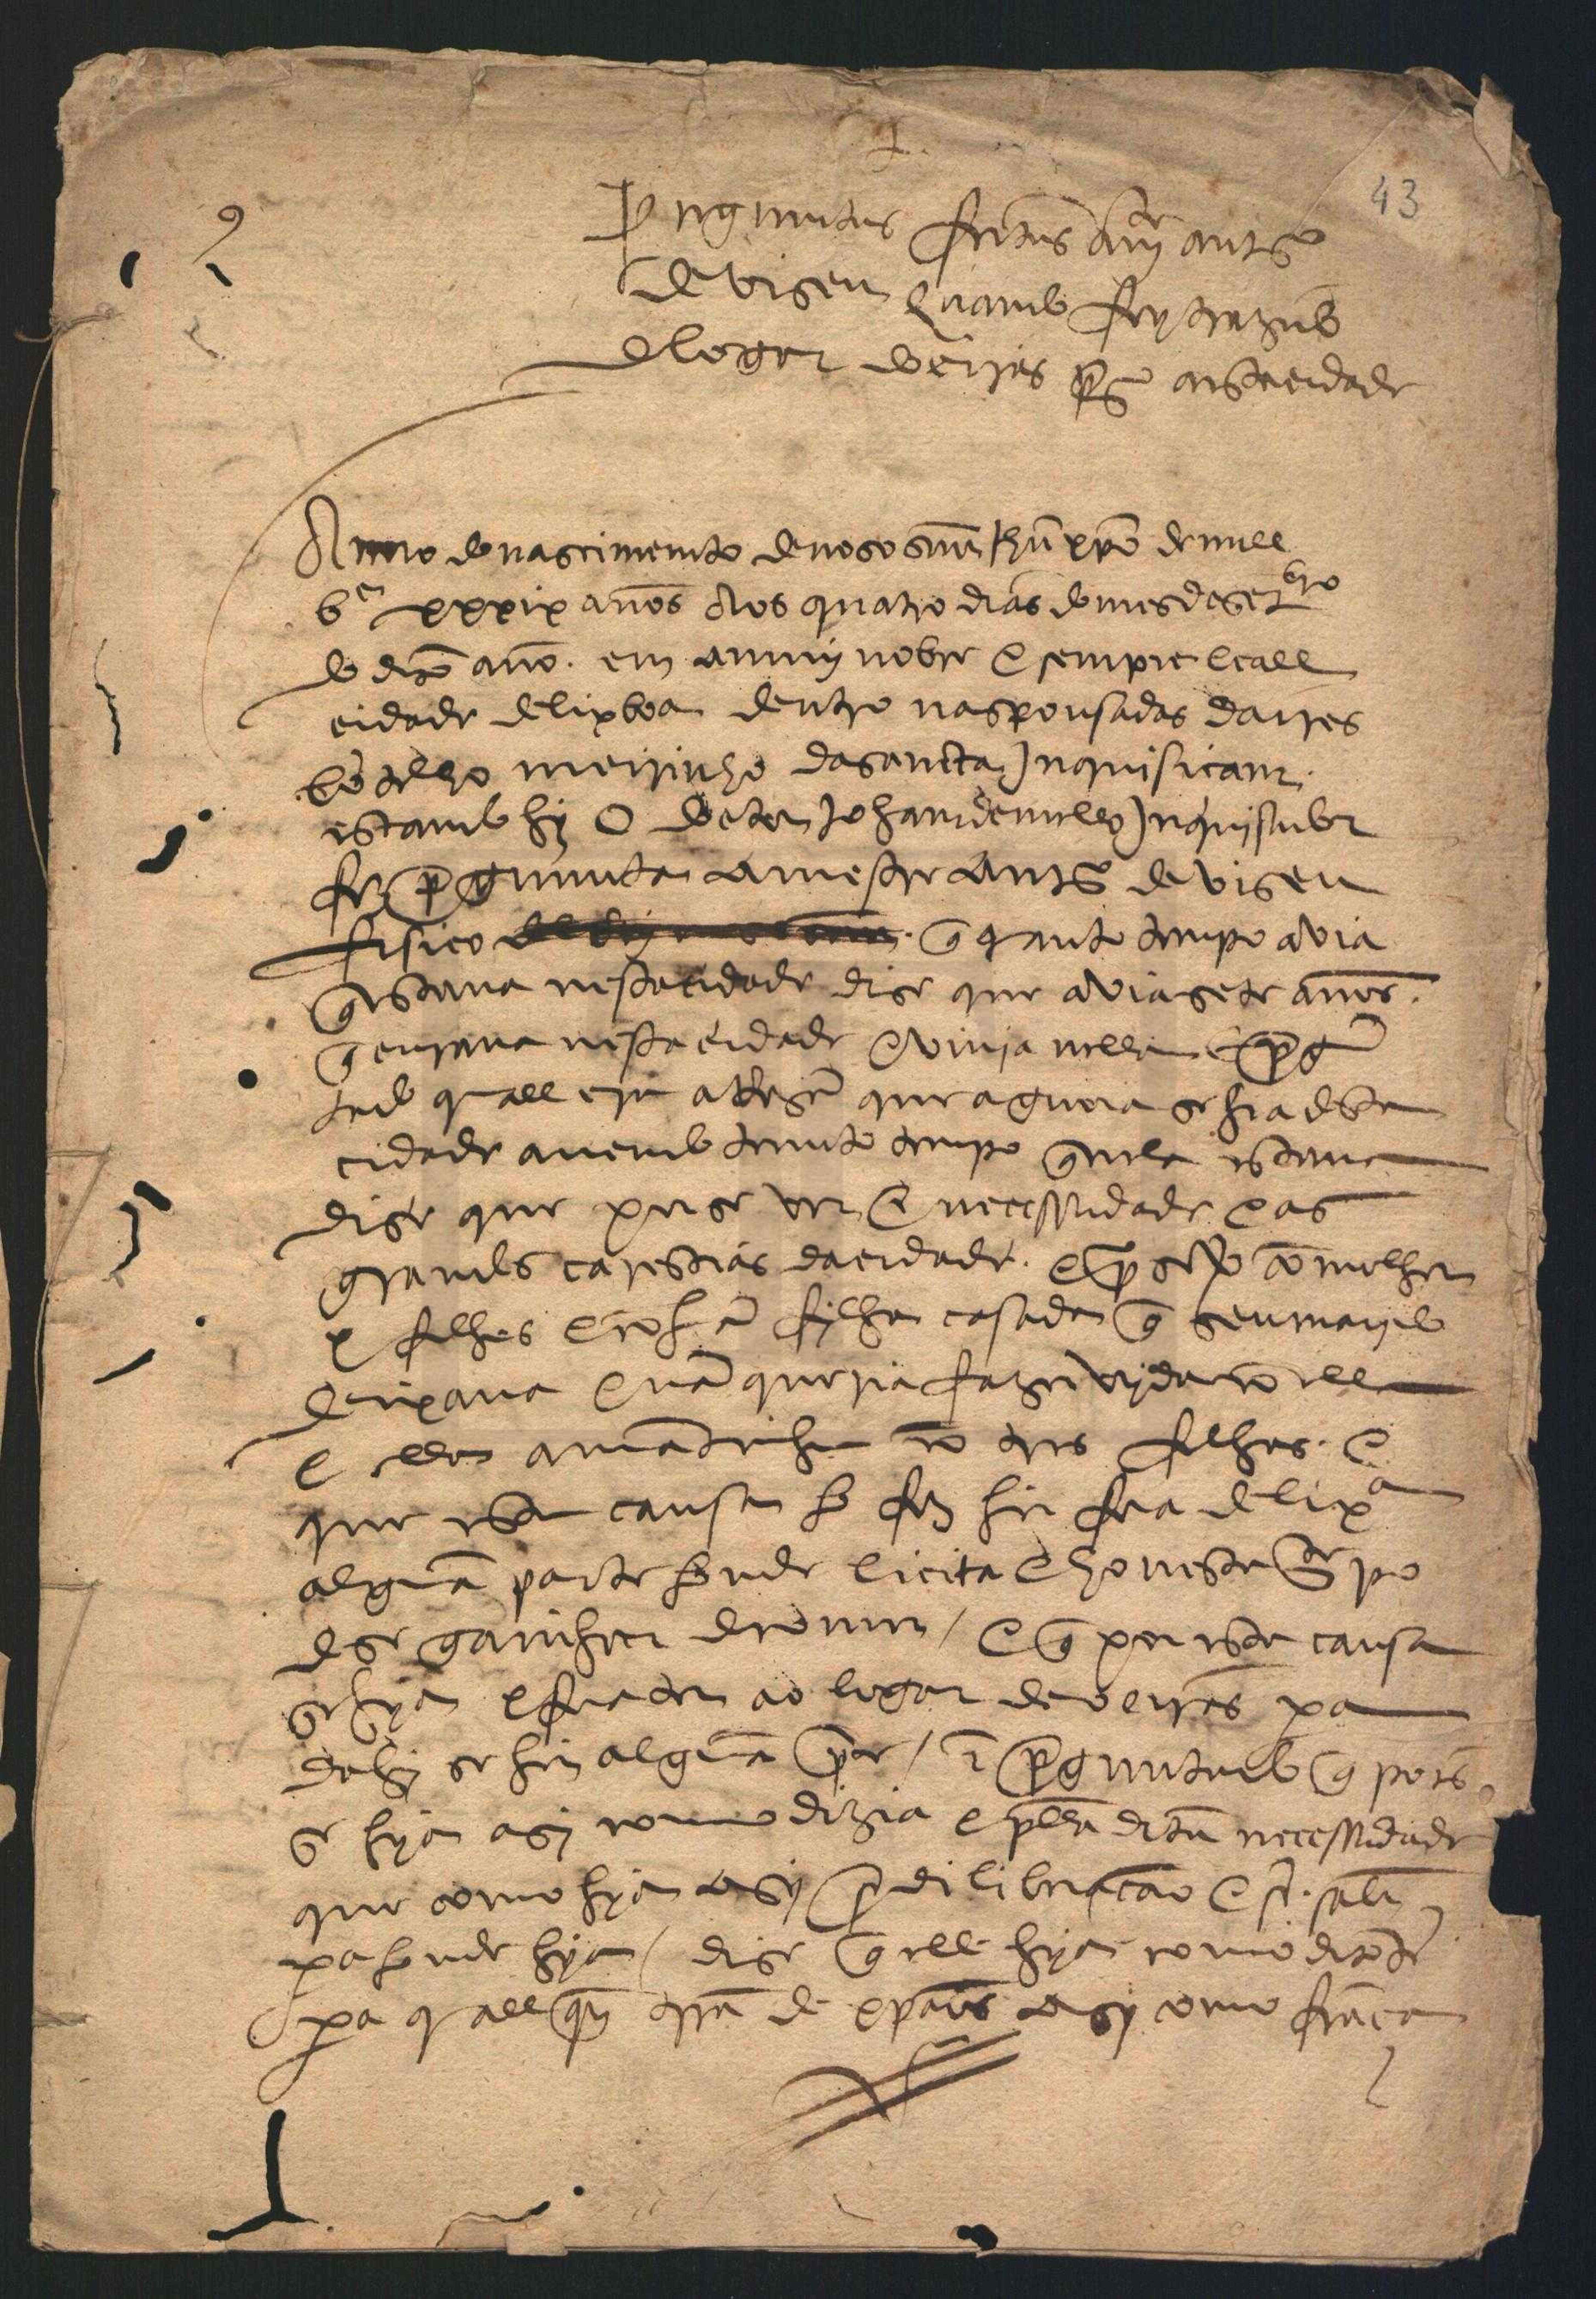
Pregumtas feitas a mte anto
de viseu Quando foy trazido
do logar doeiras p̄so a esta cidade
Anno do nascimemto de noso s̄nor Jhū xp̄o de mill
bc xxxix an̄os Aos quatro dias do mes de setbro
do dito an̄o. em a muy nobre e sempre leall
çidade de lixboa dentro nas pousadas daires
botelho meirinho da sancta Jnquisiçam.
estando hy O doctor Joham de mello Jnqujsidor
fez p̄gunnta a mestre anto de viseu
fisico del Rey nosso s̄nor. q̄ quanto tempo avia
q̄ estaua nesta çidade dise que avia sete an̄os.
q̄ curaua nesta cidade e viuja nella E p̄gū
tado quall era a Rezā que aguora se hia desta
çidade auendo tamto tempo q̄ nela estaua
dise que por se ver ē neçessidade e as
grandes carestias da cidade. e p̄o se ꝟ c̄o molher
e filhos e c̄o huā fjlha casada q̄ seu marjdo
deixaua e nā queria fazer vyda cō ella
e elle a mātinha c̄o tres filhas. e
que esta causa ho fez hir fora de lixa
alguā parte honde licita e honestamte po
dese gainhar de comer / e q̄ por esta causa
se hya e fora ter ao lugar de oeiras ꝑa
dahy se hir algūa p̄te / item p̄guntado q̄ pois
se hya asy como dizia e p̄lla dita necessidade
que como hya asy sē diliberação e sē. sābr
ꝑa honde hya / dise q̄ elle hya como dito tē
ꝑa quallq̄r trr̄a de xpãos asy como frāça
